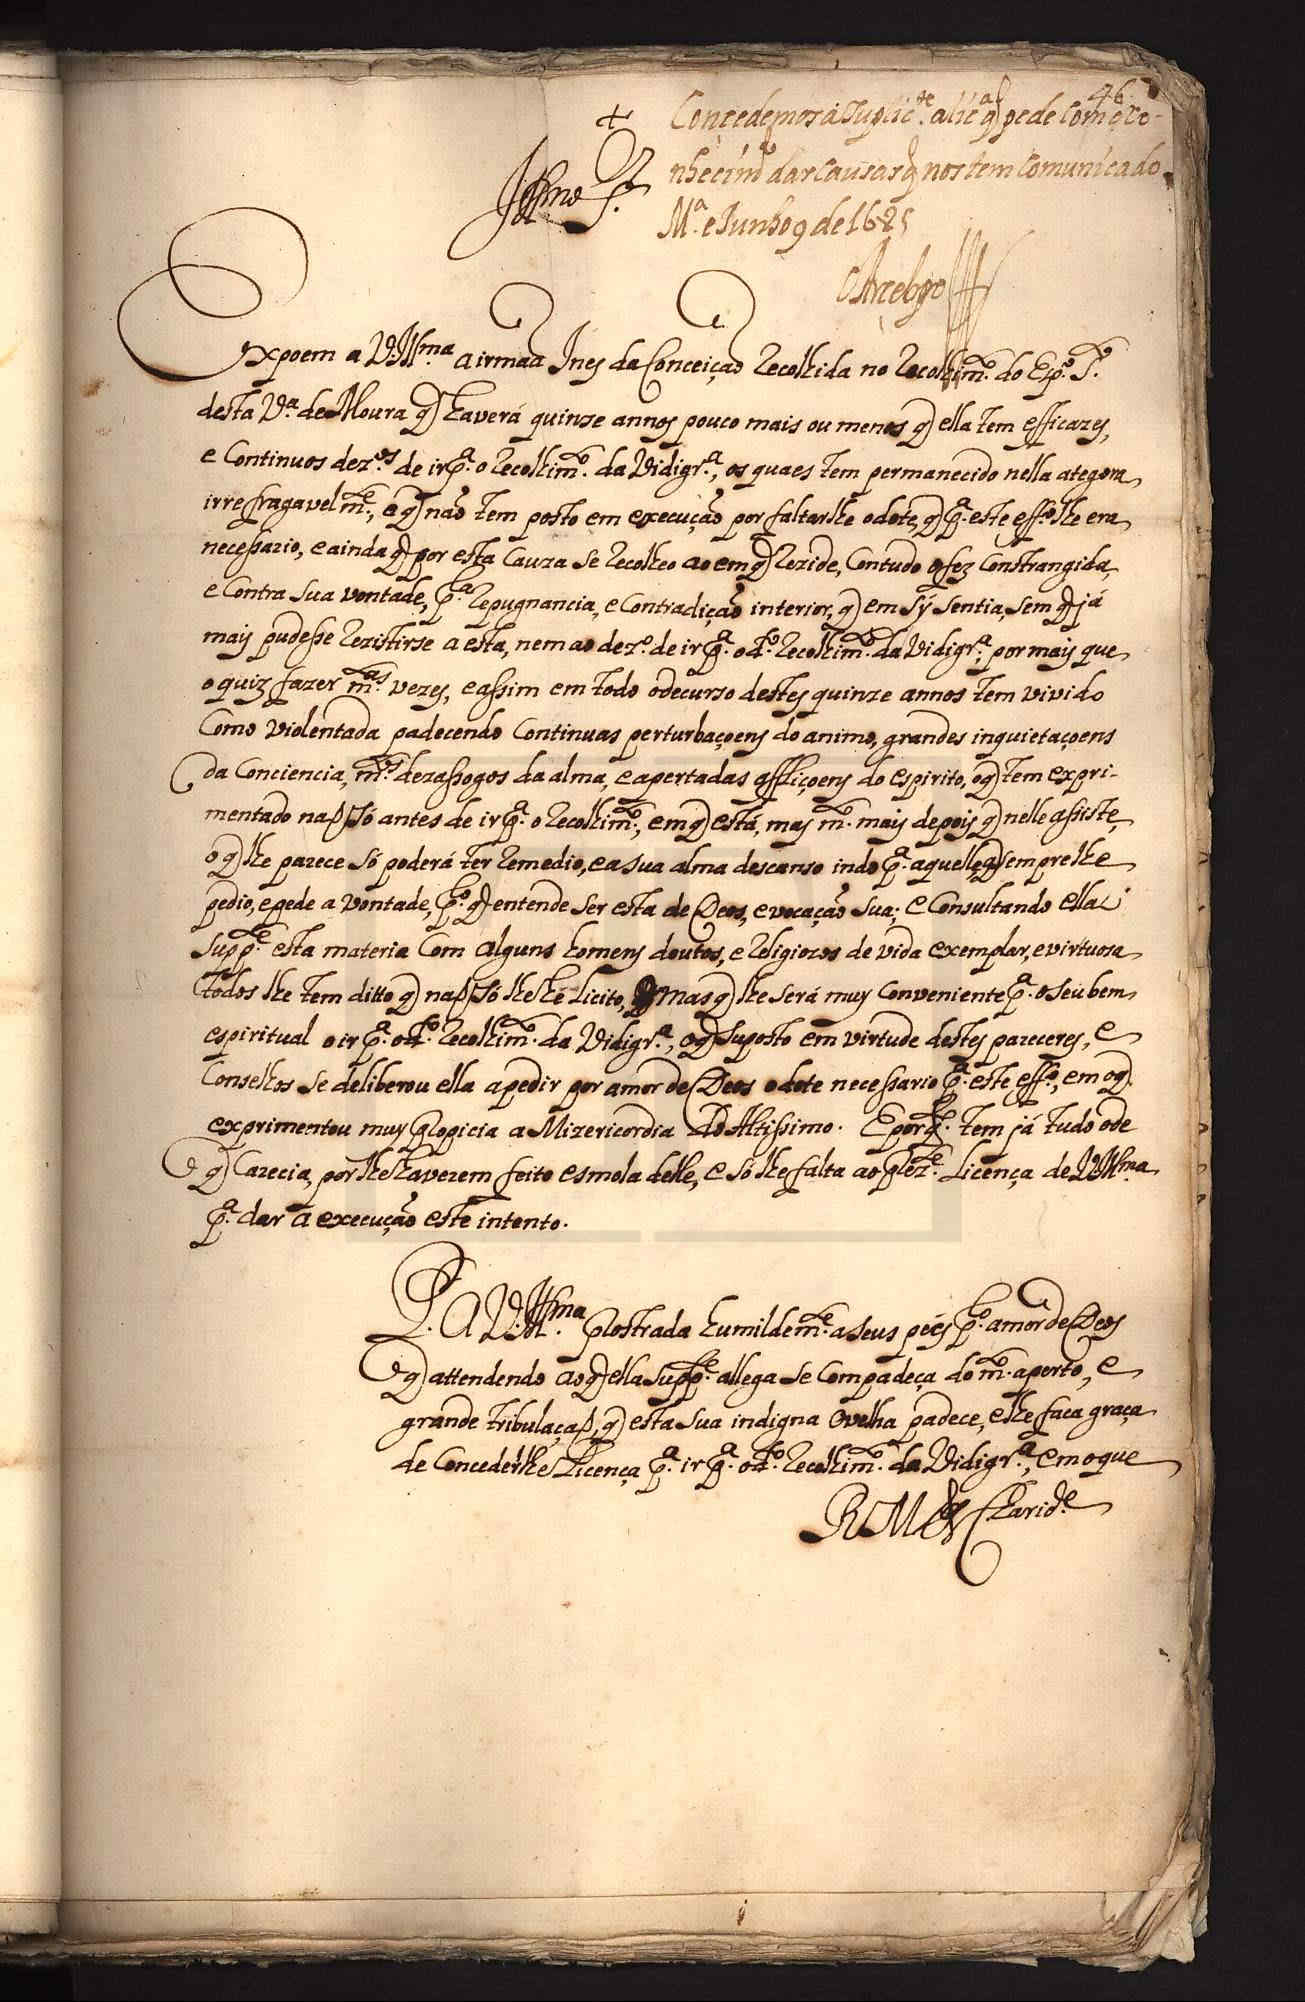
Concedemos a suplic.te a liç.a q̄ pede com o re
nhecimto das causas q̄ nos tem comunicado
M.a e Iunho 9 de 1685
O Arcebpo
Jllmo S.or
Expoem a V. Ill.ma a irmaā Jnes da Conceiçaõ Recolhida no Recolhim.to do Esp.o S.to
desta V.a de Moura q̄ haverá quinse annos pouco mais ou menos q̄ ella tem efficazes,
e Continuos dez.os de ir p.a o Recolhim.to da Vidigr.a, os quaes tem permanecido nella ate gora
irrefragavelm.te, o q̄ naõ tem posto em execuçaõ por faltar lhe o dote, q̄ p.a este eff.o lhe era
necessario, e ainda q̄ por esta cauza se Recolheo ao em q̄ Rezide, Contudo o fez constrangida,
e Contra sua vontade, p̄.la Repugnancia, e Contradiçaõ interior, q̄ em sy sentia, sem q̄ já
mais pudesse Rezistirse a esta, nem ao dez.o de ir p.a o d̄.o Recolhim.to da Vidigr.a por mais que
o quiz fazer m.tas vezes, e assim em todo o decurso destes quinze annos tem vivido
Como violentada padecendo Continuas perturbaçoens do animo, grandes inquietaçoens
da Conciencia, m.tos dezassogos da alma, e apertadas affliçoens do espirito, o q̄ tem expri
mentado naõ só antes de ir p.a o Recolhim.to, em q̄ está, mas m.to mais depois q̄ nelle assiste,
o q̄ lhe parece só poderá ter Remedio, e a sua alma descanso indo p.a aquelle q̄ sempre lhe
pedio, e pede a vontade, p̄.lo q̄ entende ser esta de Deos, e vocaçaõ sua, e Consultando ella
Supp.te esta materia Com alguns homens doutos, e Religiozos de vida exemplar, e virtuosa
todos lhe tem ditto q̄ naõ só lhe he licito, q̄ mas q̄ lhe será muy conveniente p.a o seu bem
espiritual, o ir p.a o d.o Recolhim.to da Vidigr.a, o q̄ suposto em virtude destes pareceres, e
Conselhos se deliberou ella a pedir por amor de Deos o dote necessario p.a este eff.o, em o q̄
exprimentou muy propicia a Mizericordia do Altissimo. E porq.to tem já tudo o de
q̄ Carecia, por lhe haverem feito esmola delle, e só lhe falta ao prez.te Licença de V. Ill.ma
p.a dar a execuçaõ este intento.
P. A V. Ill.ma prostrada humildem.te a seus peés p̄.lo amor de Deos
q̄ attendendo ao q̄ ella supp.te allega se Compadeça do m.to aperto, e
grande tribulaçaõ, q̄ esta sua indigna ovelha padece, e lhe faça graça
de Concederlhe Licença p.a ir p.a o d̄.o Recolhim.to da Vidigr.a, em o que
R M & Charid.e
